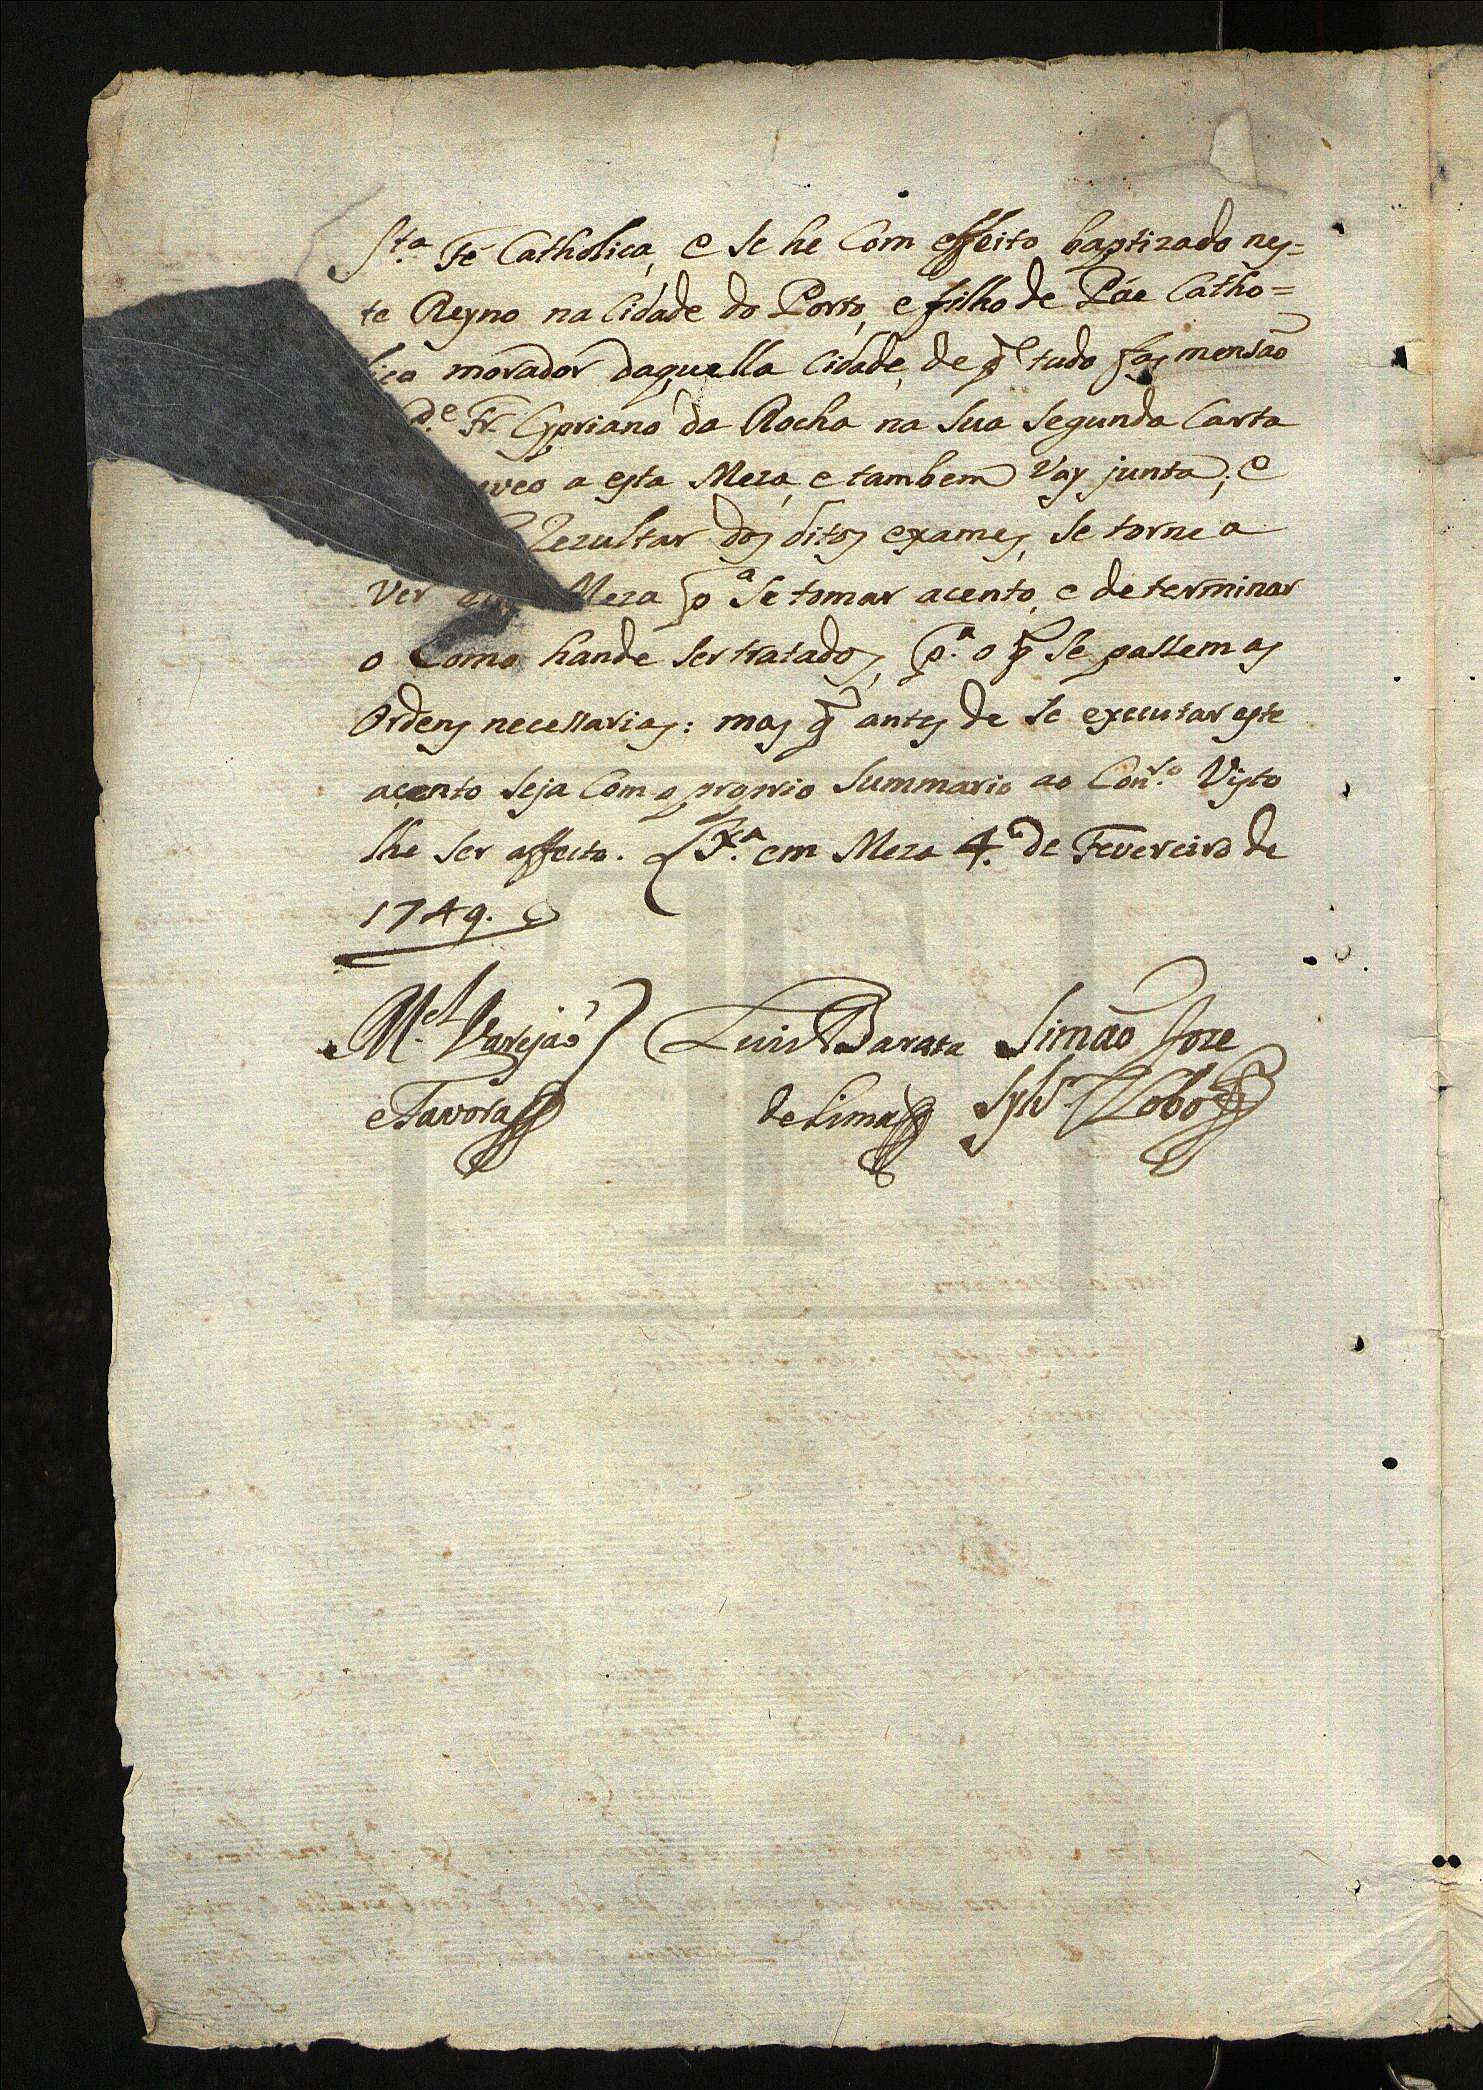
S.ta Fé Catholica, e se he Com effeito baptizado nes
te Reyno na Cidade do Porto, e filho de Páe Catho
ico morador daquella cidade, de q̄ tudo fas mensão
P.e Fr. Cypriano da Rocha na sua segunda Carta
veo a esta Meza, e tambem vay junta; e
Rezultar dos ditos exames, se torne a
ver em Meza pa se tomar acento, e determinar
o Como han de ser tratados, p.a o q̄ se passem as
Ordens necessarias: mas q̄ antes de se executar este
açento seja Com o proprio summario ao Con.so Visto
lhe ser affecto. Lx.a em Meza 4. de Fevereiro de
1749.
M.eL Varejaõ
e Tavora
Luis Barata
de Lima
Simaõ Joze
Sylv.r Lobo
